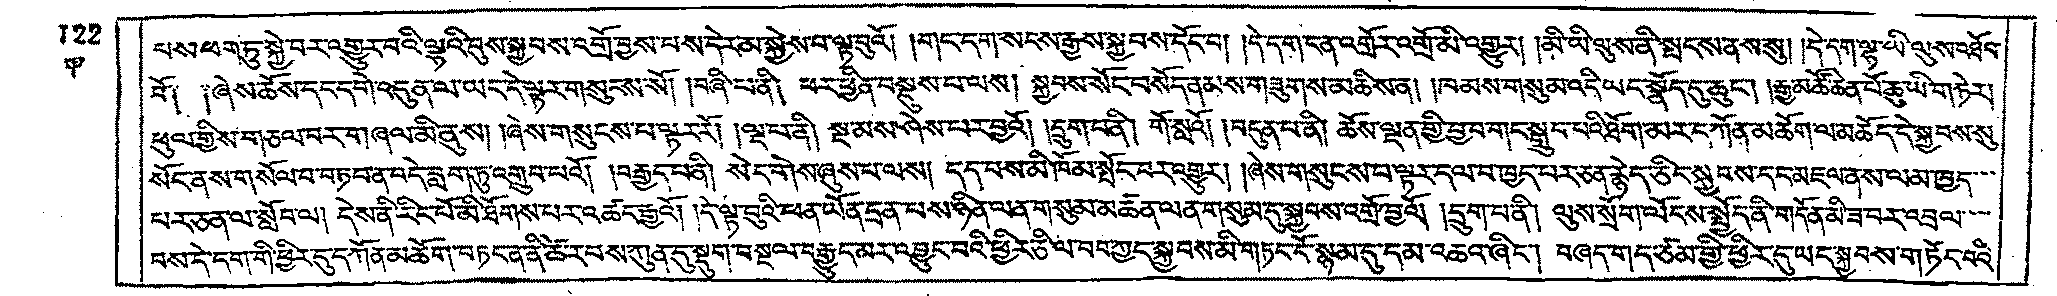པས་ཕག་ཏུ་སྐྱེ་བར་འགྱུར་བའི་ལྷའི་བུས་སྐྱབས་འགྲོ་བྱས་པས་དེར་མ་སྐྱེས་པ་ལྟ་བུའོ། །གང་དག་སངས་རྒྱས་སྐྱབས་དོང་བ། །མེད་དག་ངན་འགྲོར་འགྲོ་མི་འགྱུར། །མི་ཡི་ལུ་ནི་སྤངས་ནས་སུ། །དེ་དག་ལྷ་ཡི་ལུས་འཐོབ་
བོ༑ ༑ཞེས་ཆོས་དང་དགེ་འདུན་ལ་ཡང་དེ་ལྟར་གསུངས་སོ། །བཞི་པ་ནི། ཕར་ཕྱིན་བསྡུས་པ་ལས། སྐྱབས་སོང་བསོད་ནམས་གཟུགས་མཆིས་ན། །ཁམས་གསུམ་འདི་ཡང་སྣོད་དུ་ཆུང་། །རྒྱ་མཚོ་ཆེན་པོ་ཆུ་ཡི་གཏེར།
ཕུལ་གྱིས་གཅལ་བར་གཞལ་མི་ནུས། །ཞེས་གསུངས་པ་ལྟར་རོ། །ལྔ་པ་ནི། སྔ་མས་ཤེས་པར་བྱའོ། །དྲུག་པ་ནི། གོ་སླའོ། །བདུན་པ་ནི། ཆོས་ལྡན་གྱི་བྱ་བ་གང་སྒྲུབ་པའི་ཐོག་མར་དཀོན་མཆོག་ལ་མཆོད་དེ་སྐྱབས་སུ་
སོང་ནས་གསོལ་བ་བཏབ་ན་བདེ་བླག་ཏུ་འགྲུབ་པའོ། །བརྒྱད་པ་ནི། སེང་གེས་ཞུས་པ་ལས། དད་པས་མི་ཁོམ་སྤོང་བར་འགྱུར། །ཞེས་གསུངས་པ་ལྟར་དལ་བ་ཁྱད་པར་ཅན་རྙེད་ཅིང་སྐྱབས་དང་མཇལ་ནས་ལམ་ཁྱད་
པར་ཅན་ལ་སློབ་ལ། དེས་ནི་རིང་པོ་མི་ཐོགས་པར་འཚང་རྒྱའོ། །དེ་ལྟ་བུའི་ཕན་ཡོན་དྲན་པས་ཉིན་ལན་གསུམ་མཚན་ལན་གསུམ་དུ་སྐྱབས་འགྲོ་བྱའོ། །དྲུག་པ་ནི། ལུས་སྲོག་ལོངས་སྤྱོད་ནི་གདོན་མི་ཟ་བར་འབྲལ་
བས་དེ་དག་གི་ཕྱིར་དུ་དཀོན་མཆོག་བཏང་ན་ནི་ཚེ་རབས་ཀུན་དུ་སྡུག་བསྔལ་བརྒྱུད་མར་འབྱུང་བའི་ཕྱིར་ཅི་ལ་བབ་ཀྱང་སྐྱབས་མི་གཏང་ངོ་སྙམ་དུ་དམ་འཆའ་ཞིང་། བཞད་གད་ཙམ་གྱི་ཕྱིར་དུ་ཡང་སྐྱབས་གཏོང་བའི་